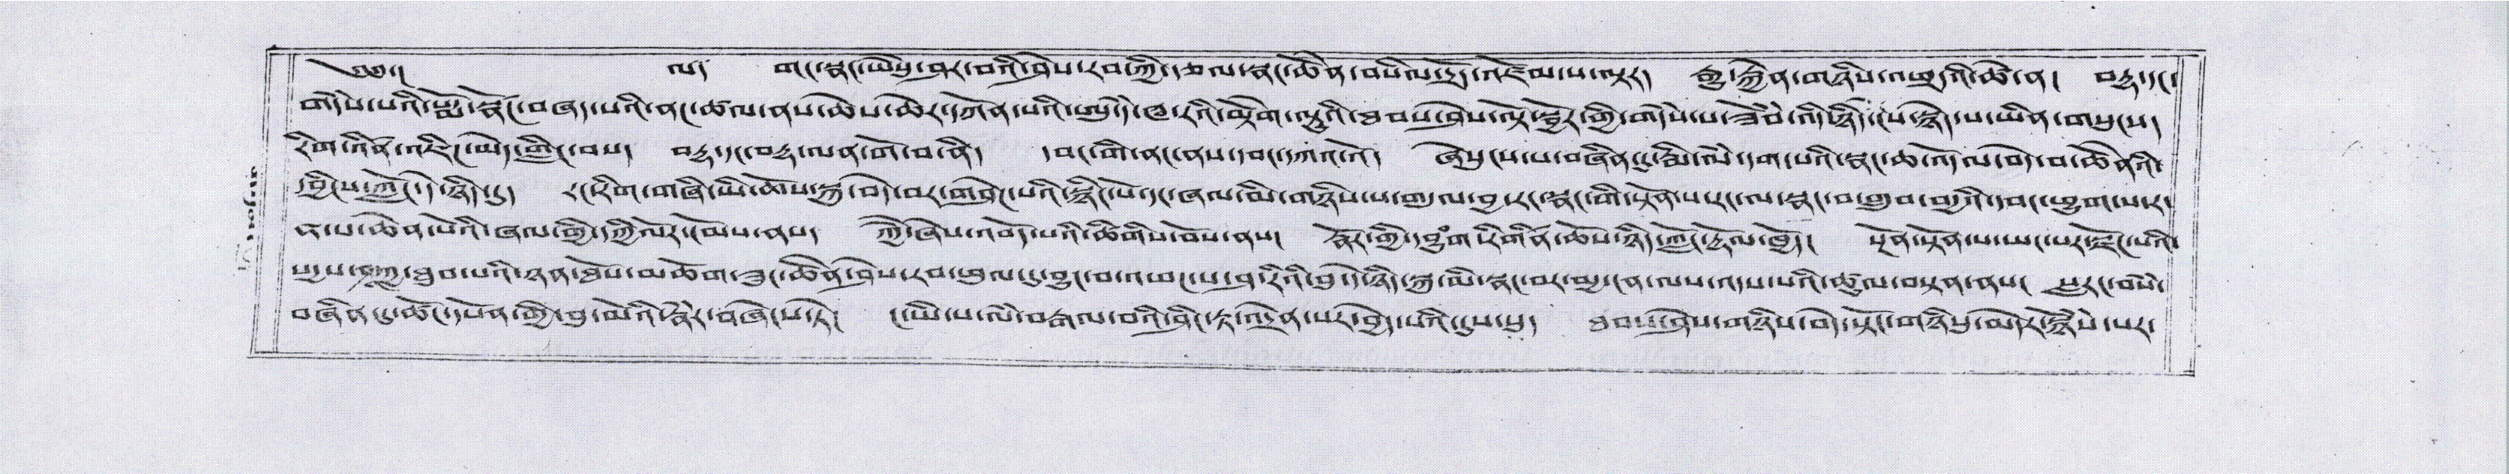ལ། གང་སྣང་ཡེ་ཤེས་ཤར་བའི་ཤེས་རབ་ཀྱི་རྩལ་སྣང་ཆེན་པོ་བསིལ་དྲོད་འཛོམས་པ་ལྟར། རྒྱ་རྐྱེན་གཉིས་འཕྲད་པའི་ཚེ་ན། བརྡ་དང་
གདམས་པའི་པདྨོ་སྣ་ཚོགས་བཞད་པའི་ནགས་ཚལ་ནས་ཆེས་ཆེར་དཀོན་པའི་ཨུ་དུམ་ཝ་རའི་མེ་ཏོག་ལྟ་བུའི་ཐབས་ཤེས་ལྟོ་སྦྱོར་གྱི་གདམས་པ་ཟབ་མོ་འདི་ཉིད་ངས་རྙེད་པ་ཡིན་གསུངས། 
རིག་འཛིན་འཇིགས་མེད་གླིང་པས། བརྡ་དང་བརྡ་ལན་གོ་བ་ནི། དབང་གི་ནང་ནས་དབང་དཀའ་འོ། ཞེས་གསུངས་པ་བཞིན་དུ་རྨི་ལམ་དག་པའི་སྣང་ཆ་འོད་གསལ་བདེ་བ་ཆེན་པོའི་
དབྱིངས་ཀློང་དེ་ཉིད་དུ། རང་རིག་གཞིའི་ཆོས་སྐུ་བདེ་བར་གཤེགས་པའི་སྙིང་པོ་དང་ཞལ་མི་གཉིས་པ་གདུལ་བྱ་རང་སྣང་གི་སྟོན་པ་རང་ལ་སྣང་བ་གྲུབ་བརྒྱའི་དབང་ཕྱུག་ས་ར་
ཧ་པ་ཆེན་པོའི་ཞལ་གྱི་དཀྱིལ་འཁོར་ངོམས་ནས། ཀྱཻ་ཞེས་པའི་ཚིག་གིས་བོས་ནས། རྣལ་འབྱོར་གྱི་དབང་ཕྱུག་རིག་འཛིན་ཆོས་ཉིད་ཀློང་བརྡོལ་ཁྱོད། སྔོན་སྟོན་པ་ཡང་དག་པར་རྫོགས་པའི་
སངས་རྒྱས་ཤཱཀྱ་ཐུབ་པའི་ཉན་ཐོས་མཆོག་ཟུང་ཆེན་པོ་ཤེས་རབ་ཕུལ་དུ་བྱུང་བ་འཕགས་པ་ཤ་རིའི་བུ་དེ་ཉིད་སྐུ་མི་སྣང་བ་མྱ་ངན་ལས་འདས་པའི་ཚུལ་བསྟན་ནས། སླར་ཡང་བསམ་
བཞིན་དུ་ཚོང་དཔོན་གྱི་བུ་མོའི་རྣམ་པར་བཞེངས་ཏེ། ང་ཡི་ས་ལམ་བརྒལ་བའི་ཤིང་རྟ་འདྲེན་པར་བྱེད་པའི་དུས་སུ། ཐབས་ཤེས་གཉིས་བདེ་སྟོང་གཉིས་སུ་མེད་པར་སྙོམས་པར་